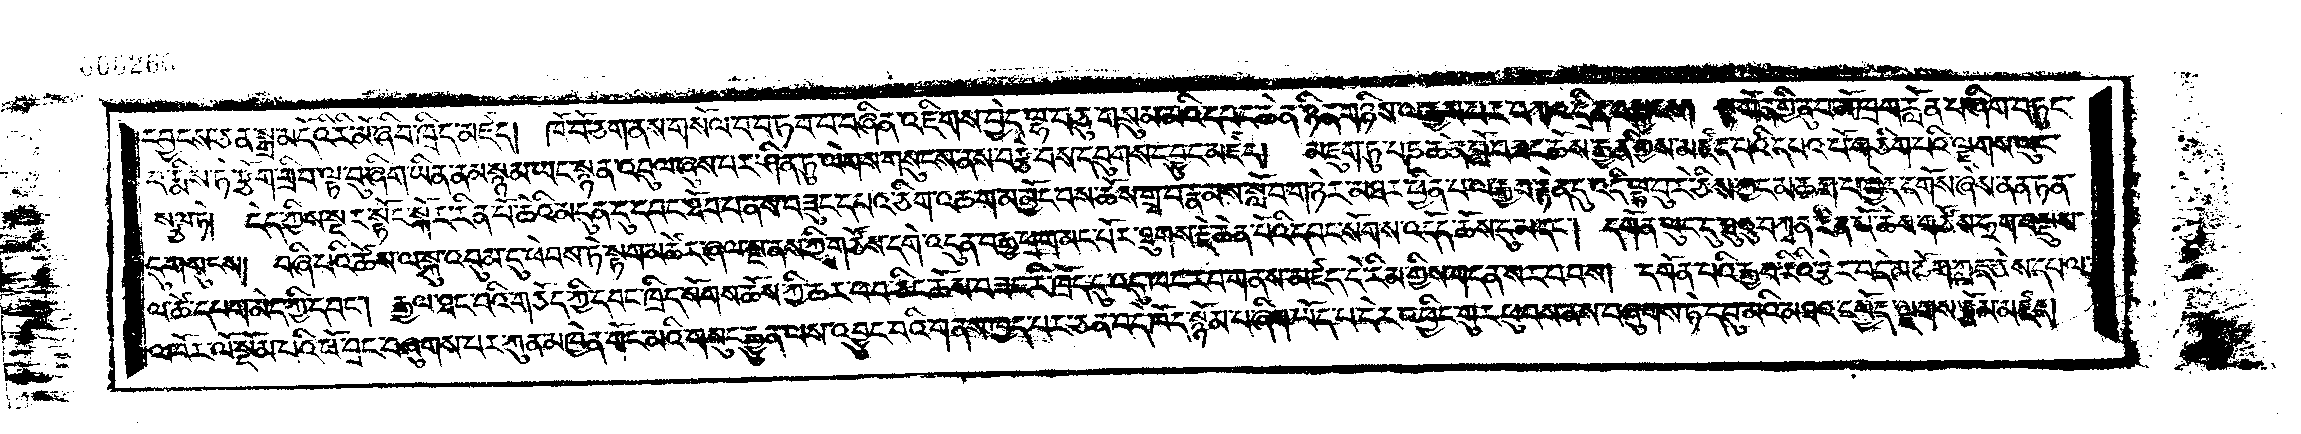དབྱངས་ཅན་སྒྲ་མདོའི་རི་མོ་ཞིབ་ཁྲིད་མཛད། ཁོ་བོ་ཅག་ནས་གསོལ་བ་བཏབ་པ་བཞིན་འཇིགས་བྱེད་ལྷ་བཅུ་གསུམ་མའི་དབང་ཆེན་ཉིན་གཉིས་ལ་རྒྱས་པར་བཀའ་དྲིན་བསྐྱངས། སྟ་གོན་གྱི་ནུབ་མོ་ཁྲག་རློན་པ་ཞིག་བཏུང་
བ་རྨིས་ཏེ་རྩོག་གྲིབ་ལྟ་བུ་ཞིག་ཡིན་ནམ་སྙམ་ཡང་སྙན་འབུལ་ཞུས་པར་ཤིན་ཏུ་ལེགས་གསུངས་ནས་བརྩེ་བས་དབུགས་དབྱུང་མཛད། མཇུག་ཏུ་པཎ་ཆེན་བློ་བཟང་ཆོས་རྒྱན་གྱིས་མཛད་པའི་དཔའ་པོ་གཅིག་པའི་ལྗགས་ལུང་
སྩལ་ཏེ། ངེད་ཀྱིས་སྔར་སྟོང་སྐོར་རིན་པོ་ཆེའི་མདུན་དུ་དབང་ཐོབ་པ་ནས་བཟུང་དཔའ་ཅིག་འཆག་མ་མྱོང་བས་ཆོས་གྲྭ་བ་རྣམས་སློབ་གཉེར་མཐར་ཕྱིན་པ་ལ་རྒྱབ་རྟེན་དུ་འདི་ལྟ་བུ་རེ་ཅིས་ཀྱང་མ་ཆག་པ་བྱེད་དགོས་ཞེས་ནན་ཏན་
དུ་གསུངས། བཞི་པའི་ཚེས་ལ་སྐུ་འབུམ་དུ་ཕེབས་ཏེ་སྟག་མཚེར་ཞལ་སྔ་ནས་ཀྱིས་གཙོས་དགེ་འདུན་བརྒྱ་ཕྲག་མང་པོར་ཐུགས་རྗེ་ཆེན་པོའི་དབང་སོགས་འདོད་ཆོས་དུ་མ་དང་། དགོན་ལུང་དུ་ཐུའུ་བཀྭན་རིན་པོ་ཆེས་གཙོས་ཧྲག་བསྡུས་
ལ་ཚེ་དཔག་མེད་ཀྱི་དབང་། རྒྱལ་ཐང་བའི་གཅོད་ཀྱི་དབང་ཁྲིད་སོགས་ཆོས་ཀྱི་ཆར་ཕབ་ཅིང་ཆོས་བཟང་རི་ཁྲོད་དུ་འདུ་ཁང་རབ་གནས་མཛད་དེ་རིམ་གྱིས་གདན་སར་བབས། དགོན་པའི་རྒྱབ་རིའི་རྩེར་བདེ་མཆོག་ཀླད་ཅེས་དཔལ་
འཁོར་ལོ་སྡོམ་པའི་ཕོ་བྲང་བཞུགས་པར་ཀུན་མཁྱེན་གོང་མའི་གསུང་རྒྱུན་ལས་འབྱུང་བའི་གནས་ཁྱད་པར་ཅན་བདེ་ཁོང་སྙོམ་པ་བཞིག་ཡོད་པ་དེར་འཕྱིང་གུར་ཕུབས་ནས་བཞུགས་ཏེ་དབུ་མའི་མཐའ་དཔྱོད་ལྗགས་རྩོམ་མཛད་